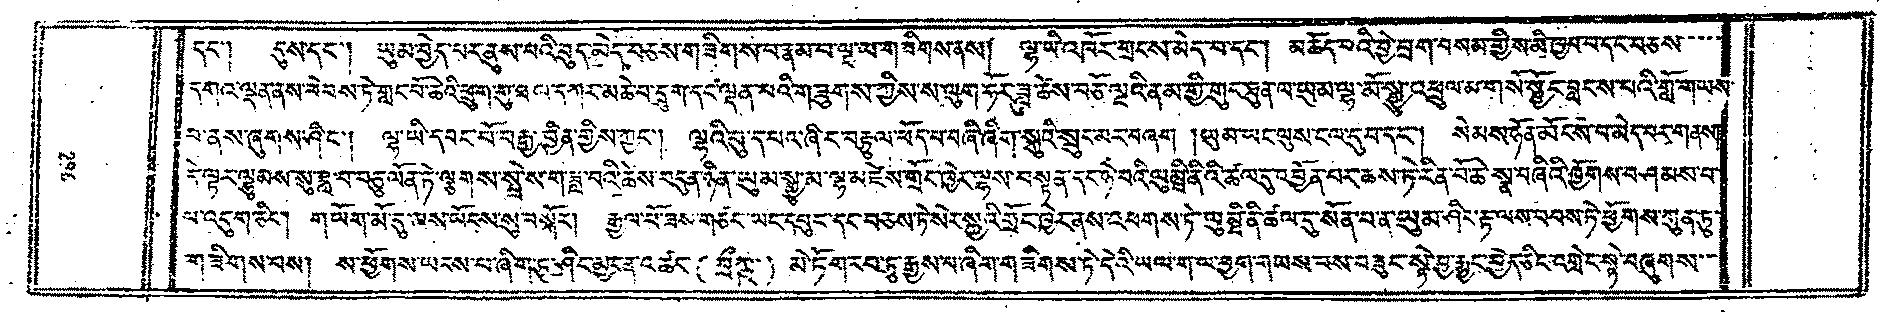དང་། དུས་དང་། ཡུམ་བྱེད་པར་ནུས་པའི་བུད་མེད་བཅས་གཟིགས་པ་རྣམ་པ་ལྔ་ལ་གཟིགས་ནས། ལྷ་ཡི་འཁོར་གྲངས་མེད་པ་དང་། མཆོད་པའི་བྱེ་བྲག་བསམ་གྱིས་མི་ཁྱབ་པ་དང་བཅས་
དགའ་ལྡན་ནས་ཕེབས་ཏེ་གླང་པོ་ཆེའི་ཕྲུག་གུ་ཐལ་དཀར་མཆེ་བ་དྲུག་དང་ལྡན་པའི་གཟུགས་ཀྱིས་ས་ལུག་ཧོར་ཟླ ༦་ཚེས་བཅོ་ལྔའི་ནམ་གྱི་གུང་ཐུན་ལ་ཡུམ་ལྷ་མོ་སྒྱུ་འཕྲུལ་མ་གསོ་སྦྱོང་བླངས་པའི་གློ་གཡས་
པ་ནས་ཞུགས་ཤིང་། ལྷ་ཡི་དབང་པོ་བརྒྱ་བྱིན་གྱིས་ཀྱང་། ལྷའི་བུ་དཔའ་ཞིང་བརྟུལ་ཕོད་པ་བཞི་ཞིག་སྐུའི་སྲུང་མར་བཞག །ཡུམ་ཡང་ལུས་ངལ་དུ་བ་དང་། སེམས་ཉོན་མོངས་པ་མེད་པར་གནས།
དེ་ལྟར་ལྷུམས་སུ་ཟླ་བ་བཅུ་ལོན་ཏེ་ལྕགས་སྤྲེ་ས་ག་ཟླ་བའི་ཚེས་བདུན་ཉིན་ཡུམ་སྒྱུ་མ་ལྷ་མཛེས་གྲོང་ཁྱེར་ལྷས་བསྟན་དང་ཉེ་བའི་ལུམྦི་ནིའི་ཚལ་དུ་འབྱོན་པར་ཆས་ཏེ་རིན་པོ་ཆེ་སྣ་བཞིའི་ཁྱོགས་བཤམས་པ་
ལ་འདུག་ཅིང་། གཡོག་མོ་དུ་མས་ཡོངས་སུ་བསྐོར། རྒྱལ་པོ་ཟས་གཙང་ཡང་དཔུང་དང་བཅས་ཏེ་སེར་སྐྱའི་གྲོང་ཁྱེར་ནས་འཕགས་ཏེ་ལུམྦི་ནི་ཚལ་དུ་སོན་པ་ན་ཡུམ་ཤིང་རྟ་ལས་བབས་ཏེ་ཕྱོགས་ཀུན་ཏུ་
གཟིགས་པས། ས་ཕྱོགས་ཡངས་པ་ཞིག་ཏུ་ཤིང་མྱ་ངན་འཚང་བྲྀཀྵ་མེ་ཏོག་རབ་ཏུ་རྒྱས་པ་ཞིག་གཟིགས་ཏེ་དེའི་ཡལ་ག་ལ་ཕྱག་གཡས་པས་བཟུང་སྟེ་བྱ་རྨྱང་བྱེད་ཅིང་འགྲེང་སྟེ་བཞུགས་